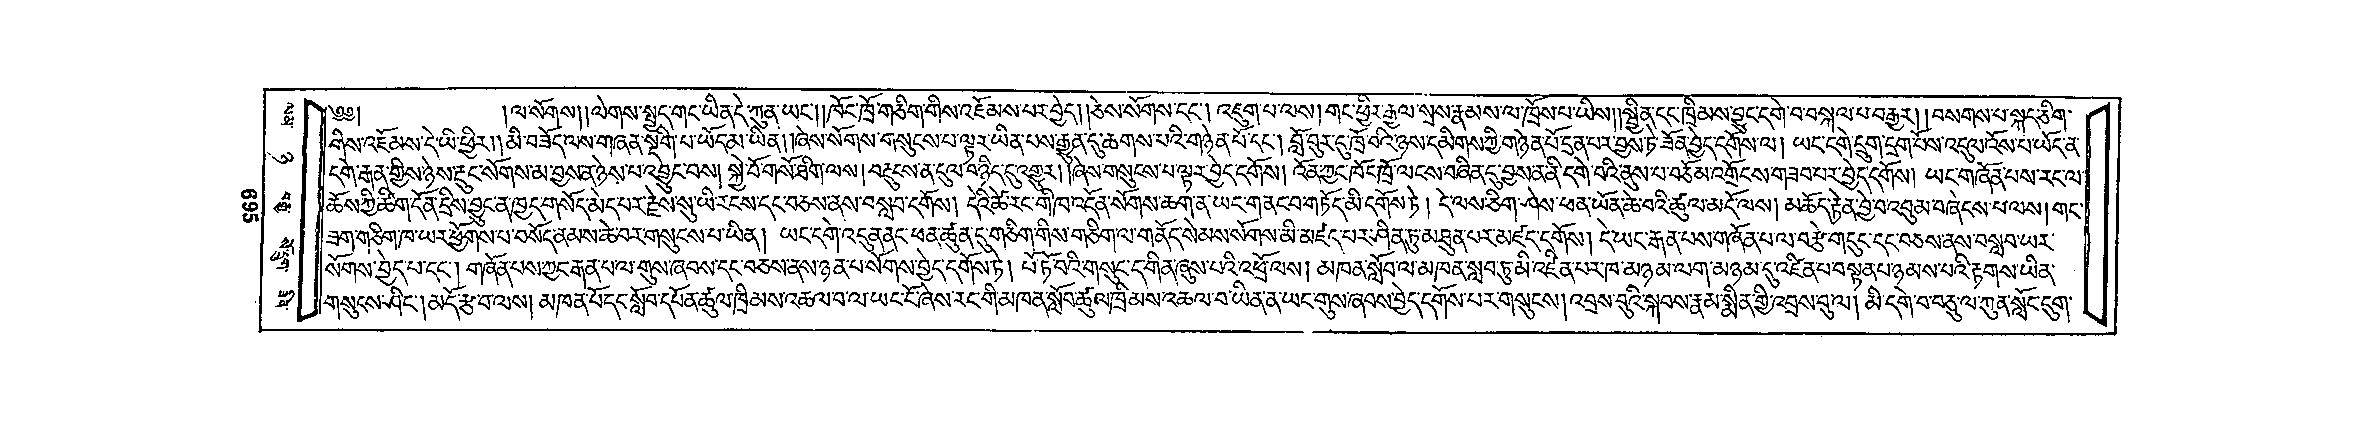༄༅། །ལ་སོགས། །ལེགས་སྤྱད་གང་ཡིན་དེ་ཀུན་ཡང་། །ཁོང་ཁྲོ་གཅིག་གིས་འཇོམས་པར་བྱེད། །ཅེས་སོགས་དང་། འཇུག་པ་ལས། གང་ཕྱིར་རྒྱལ་སྲས་རྣམས་ལ་ཁྲོས་པ་ཡིས། །སྦྱིན་དང་ཁྲིམས་བྱུང་དགེ་བ་བསྐལ་པ་བརྒྱར། །བསགས་པ་སྐད་ཅིག་
གིས་འཇོམས་དེ་ཡི་ཕྱིར། །མི་བཟོད་ལས་གཞན་སྡིག་པ་ཡོད་མ་ཡིན། །ཞེས་སོགས་གསུངས་པ་ལྟར་ཡིན་པས་རྒྱུན་དུ་ཆགས་པའི་གཉེན་པོ་དང་། བློ་བུར་དུ་ཁྲོ་བའི་ཉེས་དམིགས་ཀྱི་གཉེན་པོ་དྲན་པར་བྱས་ཏེ་ཟོན་བྱེད་དགོས་ལ། ཡང་དགེ་དྲུག་དྲག་པོས་འདུལ་འོས་པ་ཡོད་ན་
དགེ་རྒན་གྱིས་ཉེས་རྡུང་སོགས་མ་བྱས་ན་ཉེས་པ་འབྱུང་བས། སྐྱེ་བོ་གསོ་ཐིག་ལས། བརྡུངས་ན་དུལ་བ་ཉིད་དུ་འགྱུར། །ཞེས་གསུངས་པ་ལྟར་བྱེད་དགོས། འོན་ཀྱང་ཁོང་ཁྲོ་ལངས་བཞིན་དུ་བྱས་ན་ནི་དགེ་བའི་ནུས་པ་བཅོམ་འགྲོངས་གཟབ་པར་བྱེད་དགོས། ཡང་གཞོན་པས་རང་ལ་
ཆོས་ཀྱི་ཚིག་དོན་དྲིས་བྱུང་ན་ཁྱད་གསོད་མེད་པར་རྗེས་སུ་ཡི་རངས་དང་བཅས་ནས་བསླབ་དགོས། དེའི་ཚེ་རང་གི་ཁ་འདོན་སོགས་ཆག་ན་ཡང་གནང་བ་གཏོད་མི་དགོས་ཏེ། དེ་ལས་ཅིག་ཤེས་ཕན་ཡོན་ཆེ་བའི་ཚུལ་མདོ་ལས། མཆོད་རྟེན་བྱེ་བ་འབུམ་བཞེངས་པ་ལས། གང་
ཟག་གཅིག་ཁ་ཡར་ཕྱོགས་པ་བསོད་ནམས་ཆེ་བར་གསུངས་པ་ཡིན། ཡང་དགེ་འདུན་ནང་ཕན་ཚུན་དུ་གཅིག་གིས་གཅིག་ལ་གནོད་སེམས་སོགས་མི་མཛད་པར་ཤིན་ཏུ་མཐུན་པར་མཛད་དགོས། དེ་ཡང་རྒན་པས་གཞོན་པ་ལ་བརྩེ་གདུང་དང་བཅས་ནས་བསླབ་ཡར་
སོགས་བྱེད་པ་དང་། གཞོན་པས་ཀྱང་རྒན་པ་ལ་གུས་ཞབས་དང་བཅས་ནས་ཉན་པ་སོགས་བྱེད་དགོས་ཏེ། པོ་ཏོ་བའི་གསུང་ད་གིན་ཞུས་པའི་འཕྲོ་ལས། མཁན་སློབ་ལ་མཁན་སླབ་ཏུ་མི་འཛིན་པར་ཁ་མཉམ་ལག་མཉམ་དུ་འཛིན་པ་བསྟན་པ་ཉམས་པའི་རྟགས་ཡིན་
གསུངས་ཤིང་། མདོ་རྩ་བ་ལས། མཁན་པོ་དང་སློབ་དཔོན་ཚུལ་ཁྲིམས་འཆལ་བ་ལ་ཡང་ངོ་ཞེས་རང་གི་མཁན་སློབ་ཚུལ་ཁྲིམས་འཆལ་བ་ཡིན་ན་ཡང་གུས་ཞབས་བྱེད་དགོས་པར་གསུངས། འབྲས་བུའི་སྐབས་རྣམ་སྨིན་གྱི་འབྲས་བུ་ལ། མི་དགེ་བ་བཅུ་ལ་ཀུན་སློང་དུག་